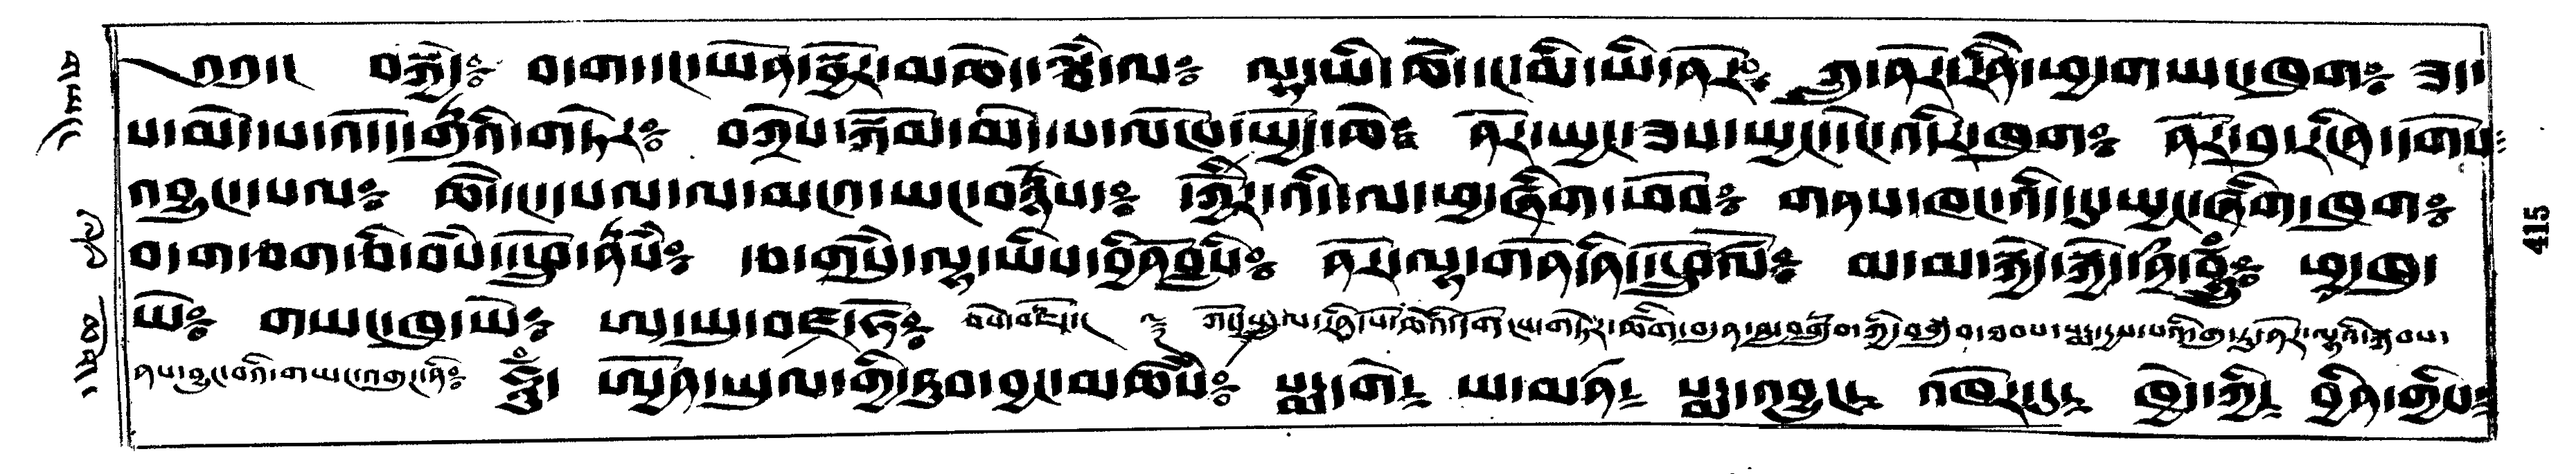བསྐྱེད༔ བདག་དང་ཡོན་སྦྱོར་མཆེད་ལྕམ་ལ༔ ལྷ་ཡི་ཚེ་དང་མི་ཡི་ནོར༔ ཀླུ་ནོར་རིན་ཆེན་ཕྱྭ་གཡང་ཁུག༔ ཟད་
པ་མེད་པ་འདོད་རྒུའི་གཏེར༔ བཀྲེས་སྐོམ་མེད་པ་ལོངས་སྤྱོད་ཆེ༔ ནོར་གཡང་ཟས་གཡང་དེང་འདིར་ཁུག༔ ནོར་བུ་རང་བཞིན་དགོས་
འབྱུང་དཔལ༔ ཚེ་དང་དཔལ་ལ་མངའ་ཡང་བརྙེས༔ དཀྱིལ་འཁོར་འདི་ལ་ཕྱྭ་ཞིག་ཕོབ༔ གནས་ཁང་འདི་རུ་གཡང་ཞིག་ཁུག༔ 
བདག་ཅག་ཅི་བསམ་དངོས་གྲུབ་རྣམས༔ རྩ་གསུམ་ལྷ་ཡིས་བྱིན་རླབས་ཀྱིས༔ ནོར་ལྷ་གནོད་སྦྱིན་དངོས་གྲུབ་སྩོལ༔ མ་མ་སྐྱེད་སྐྱེད་ནྲྀ་བྷྲུྃ༔ ཕྱྭ་ཁུ་
ཡེ༔ གཡང་ཁུ་ཡེ༔ ཨ་ཡུ་བཛྲ་ཧོ༔ ཞེས་བརྗོད། ༈ ཀོང་སྤྲུལ་རིན་པོ་ཆེའི་དགོངས་གཏེར་ཚིག་བདུན་བླ་སྒྲུབ་ཀྱི་སྒྲུབ་ཐབས་པདྨ་རྒྱས་པའི་གུ་རུ་ནོར་ལྷའི་སྐབས་
ནས་བྱུང་བའི་གཡང་འགུགས་ནི༔ ཧཱུྃ༔ ཨོ་རྒྱན་ཡུལ་གྱི་ནུབ་བྱང་མཚམས༔ པདྨ་གེ༴ ཡ་མཚན༴ པདྨ་འབྱུང༴ འཁོར་དུ༴ ཁྱེད་ཀྱི༴ བྱིན་གྱིས༴